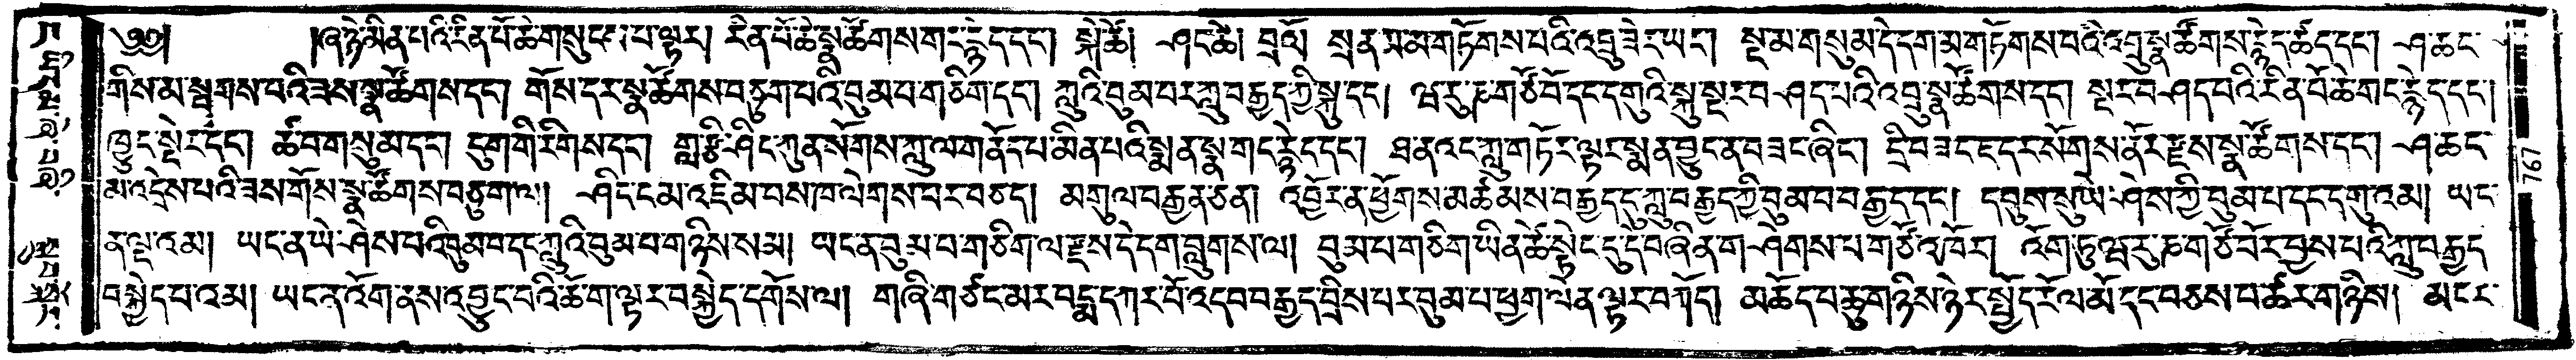༄༅། །ཞ་ཉེ་མིན་བའི་རིན་པོ་ཆེ་གསུངས་པ་ལྟར། རིན་པོ་ཆེ་སྣ་ཚོགས་གང་རྙེད་དང་། སྐེ་ཚེ། ཤང་ཚེ། བྲའོ། སྲན་མམ་གཏོགས་བའི་འབྲུ་ཟེར་ཡང་། སྔ་མ་གསུམ་དེ་དག་མ་གཏོགས་བའི་འབྲུ་སྣ་ཚོགས་རྙེད་ཚད་དང་། ཤ་ཆང་
གིས་མ་སྦགས་པའི་ཟས་སྣ་ཚོགས་དང་། གོས་དར་སྣ་ཚོགས་བཅུག་པའི་བུམ་པ་གཅིག་དང་། ཀླུའི་བུམ་པར་ཀླུ་བརྒྱད་ཀྱི་སྐུ་དང་། ཝ་རུ་ཎ་གཙོ་བོ་དང་དགུའི་སྐུ་སྔར་བཤད་པའི་འབྲུ་སྣ་ཚོགས་དང་། སྔར་བཤད་པའི་རིན་པོ་ཆེ་གང་རྙེད་དང་།
ཁྱུང་སྡེར་དང་། ཚ་བ་གསུམ་དང་། དུག་གི་རིགས་དང་། གླ་རྩི་ཤིང་ཀུན་སོགས་ཀླུ་ལ་གནོད་པ་མིན་པའི་སྨན་སྣ་གང་རྙེད་དང་། ཐ་ནའང་ཀླུ་གཏོར་ལྟར་སྨན་བྱུང་ན་བཟང་ཞིང་། དྲི་བཟང་ཇ་དར་སོགས་ནོར་རྫས་སྣ་ཚོགས་དང་། ཤ་ཆང་
མ་འདྲེས་པའི་ཟས་གོས་སྣ་ཚོགས་བཅུག་ལ། ཤིང་ངམ་འཇིམ་བས་ཁ་ལེགས་པར་བཅད། མགུ་ལ་བརྒྱན་ཅན། འབྱོར་ན་ཕྱོགས་མཚམས་བརྒྱད་དུ་ཀླུ་བརྒྱད་ཀྱི་བུམ་པ་བརྒྱད་དང་། དབུས་སུ་ཡེ་ཤེས་ཀྱི་བུམ་པ་དང་དགུ་འམ། ཡང་
ན་ལྔ་འམ། ཡང་ན་ཡེ་ཤེས་པའི་བུམ་བ་དང་ཀླུའི་བུམ་པ་གཉིས་སམ། ཡང་ན་བུམ་པ་གཅིག་ལ་རྫས་དེ་དག་བླུགས་ལ། བུམ་པ་གཅིག་ཡིན་ཚེ་སྟེང་དུ་དེ་བཞིན་གཤེགས་པ་གཙོ་འཁོར། འོག་ཏུ་ཝ་རུ་ཎ་གཙོ་བོར་བྱས་པའི་ཀླུ་བརྒྱད་
བསྐྱེད་པའམ། ཡང་ན་འོག་ནས་འབྱུང་བའི་ཆོ་ག་ལྟར་བསྐྱེད་དགོས་ལ། གཞི་གཙང་མར་བདམ་དཀར་པོ་འདབ་བརྒྱད་བྲིས་པར་བུམ་པ་ཕྱག་ལེན་ལྟར་བཀོད། མཆོད་བ་ཆུ་གཉིས་ཉེར་སྤྱོད་རོལ་མོ་དང་བཅས་པ་ཚར་གཉིས། མངར་